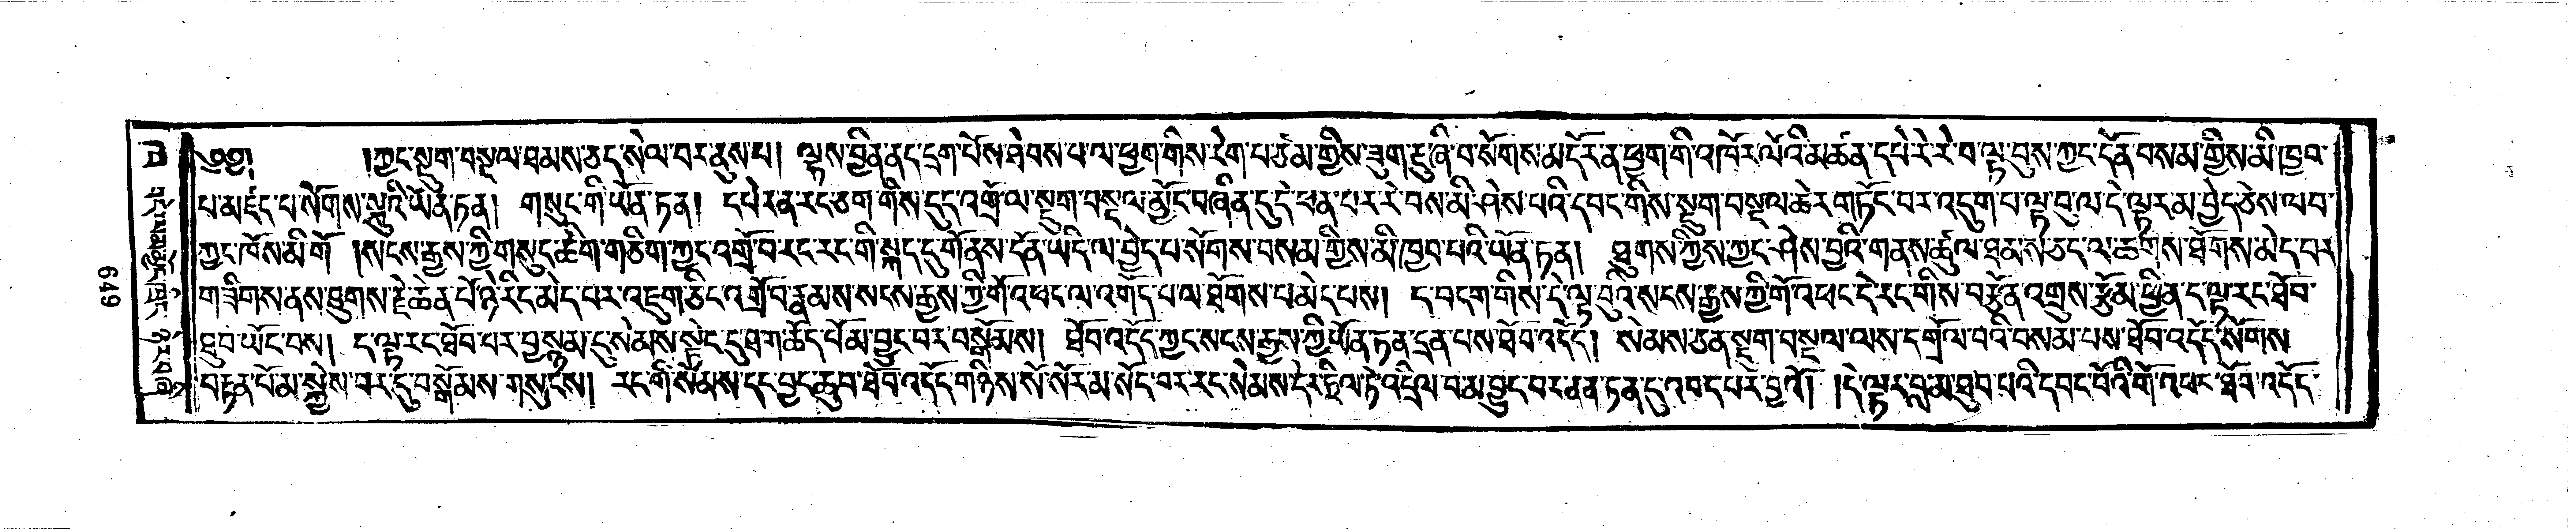༄༅། །ཀྱང་སྡུག་བསྔལ་ཐམས་ཅད་སེལ་བར་ནུས་པ། ལྷས་བྱིན་ནང་དྲག་པོས་ཐེབས་པ་ལ་ཕྱག་གིས་རེག་པ་ཙམ་གྱིས་ཟུག་རྡུ་ཞི་བ་སོགས་མདོར་ན་ཕྱག་གི་འཁོར་ལོའི་མཚན་དཔེ་རེ་རེ་བ་ལྟ་བུས་ཀྱང་དོན་བསམ་གྱིས་མི་ཁྱབ་
པ་མཛད་པ་སོགས་སྐུའི་ཡོན་ཏན། གསུང་གི་ཡོན་ཏན། དཔེར་ན་རང་ཅག་གིས་དུད་འགྲོ་ལ་སྡུག་བསྔལ་མྱོང་བཞིན་དུ་དེ་ཕན་པར་རེ་བས་མི་ཤེས་པའི་དབང་གིས་སྡུག་བསྔལ་ཆེར་གཏོང་བར་འདུག་པ་ལྟ་བུ་ལ་དེ་ལྟར་མ་བྱེད་ཅེས་ལབ་
ཀྱང་ཁོས་མི་གོ །སངས་རྒྱས་ཀྱི་གསུང་ཚིག་གཅིག་ཀྱང་འགྲོ་བ་རང་རང་གི་སྐད་དུ་གོ་ནས་དོན་ཡིད་ལ་བྱེད་པ་སོགས་བསམ་གྱིས་མི་ཁྱབ་པའི་ཡོན་ཏན། ཐུགས་ཀྱིས་ཀྱང་ཤེས་བྱའི་གནས་ཚུལ་ཐམས་ཅད་ལ་ཆགས་ཐོགས་མེད་པར་
གཟིགས་ནས་ཐུགས་རྗེ་ཆེན་པོ་ཉེ་རིང་མེད་པར་འཇུག་ཅིང་འགྲོ་བ་རྣམས་སངས་རྒྱས་ཀྱི་གོ་འཕང་ལ་འགོད་པ་ལ་ཐོགས་པ་མེད་པས། ད་བདག་གིས་དེ་ལྟ་བུའི་སངས་རྒྱས་ཀྱི་གོ་འཕང་དེ་རང་གིས་བརྩོན་འགྲུས་རྩོམ་ཕྱིན་ད་ལྟ་རང་ཐོབ་
ཐུབ་ཡོང་བས། ད་ལྟར་ཐོབ་པར་བྱ་སྙམ་དུ་སེམས་སྟེང་དུ་ཐག་ཆོད་པོ་མ་བྱུང་བར་བསྒོམས། ཐོབ་འདོད་ཀྱང་སངས་རྒྱས་ཀྱི་ཡོན་ཏན་དྲན་པས་ཐོབ་འདོད། སེམས་ཅན་སྡུག་བསྔལ་ལས་དགྲོལ་བའི་བསམ་པས་ཐོབ་འདོད་སོགས་
བརྟན་པོ་མ་སྐྱེས་པར་དུ་བསྒོམས་གསུངས། རང་གི་སེམས་དང་བྱང་ཆུབ་ཐོབ་འདོད་གཉིས་སོ་སོར་མ་སོང་བར་རང་སེམས་དེར་ཏྲིལ་ཏེ་འདྲིལ་བ་མ་བྱུང་བར་ནན་ཏན་དུ་འབད་པར་བྱའོ། །དེ་ལྟར་བླ་མ་ཐུབ་པའི་དབང་བོའི་གོ་འཕང་ཐོབ་འདོད་